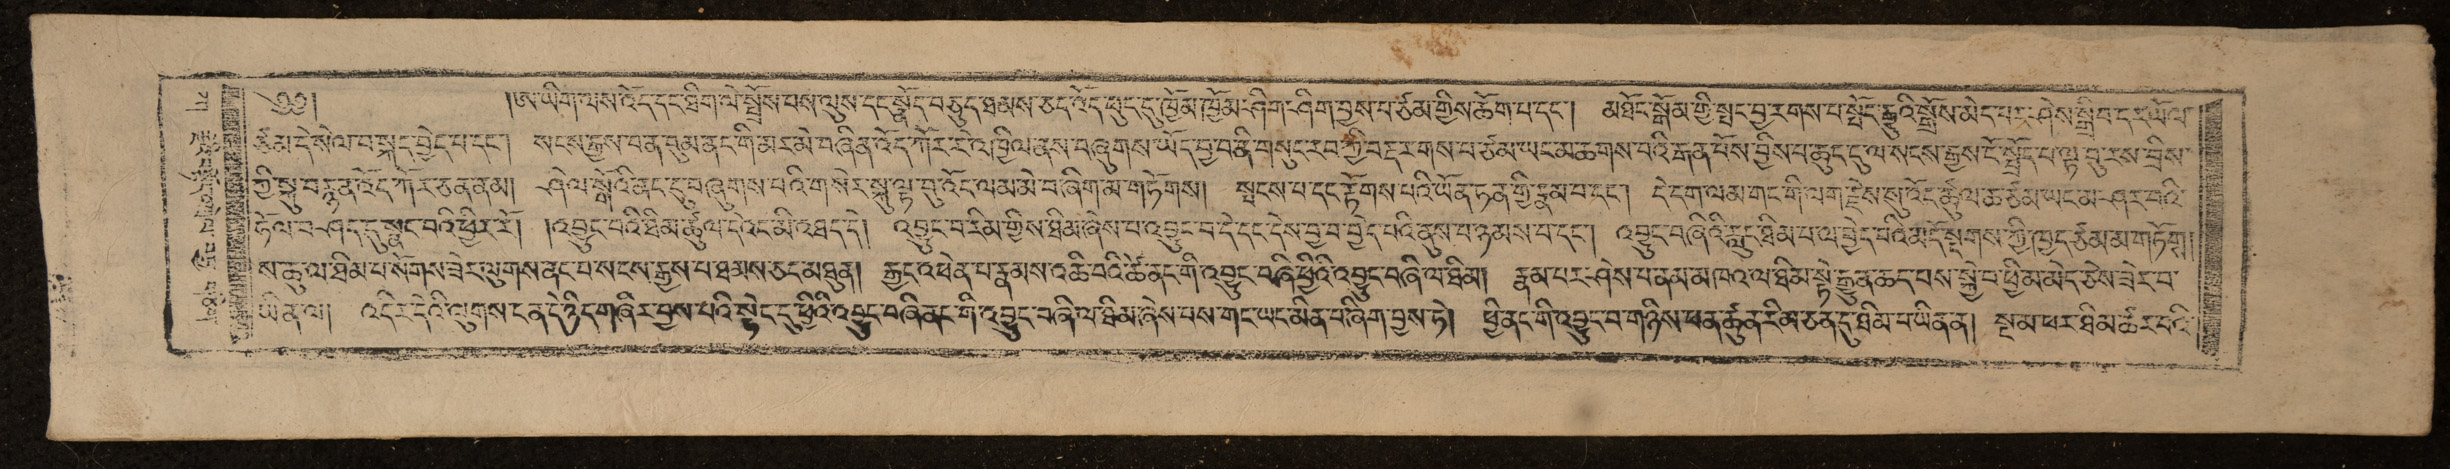༄༅། །ཨ་ཡིག་ལས་འོད་དང་ཐིག་ལེ་སྤྲོས་པས་ལུས་དང་སྣོད་བཅུད་ཐམས་ཅད་འོད་ཕུང་དུ་ཁྱོམ་ཁྱོམ་ཤིག་ཤིག་བྱས་པ་ཙམ་གྱིས་ཆོག་པ་དང་། མཐོང་སྒོམ་གྱི་སྤང་བྱ་རགས་པ་སྤོང་རྒྱུའི་སྒྲོས་མེད་པར་ཤེས་སྒྲིབ་དར་ཡོལ་
ཙམ་དེ་སེལ་བ་སྐད་བྱེད་པ་དང་། སངས་རྒྱས་པན་བུམ་ནང་གི་མར་མེ་བཞིན་འོད་ཀོར་རེ་འཁྱིལ་ནས་བཞུགས་ཡོད་བྱ་བ་ནི་གསུང་རབ་ཀྱི་བརྡ་རགས་པ་ཙམ་ཡང་མ་ཆགས་པའི་རྒན་པོས་བྱིས་པ་ཆུང་དུ་ལས་སངས་རྒྱས་ངོ་སྤྲོད་པ་ལྟ་བུ་རས་བྲིས་
ཀྱི་སྐུ་བརྙན་འོད་ཀོར་ཅན་ནམ། ཤེལ་སྒོའི་ནང་དུ་བཞུགས་པའི་གསེར་སྐུ་ལྟ་བུ་འོད་ལམ་མེ་བ་ཞིག་མ་གཏོགས། སྤངས་པ་དང་རྟོགས་པའི་ཡོན་ཏན་གྱི་རྣམ་པ་དང་། དེ་དག་ལམ་གང་གི་ལག་རྗེས་སུ་འོང་ཚུལ་ཆ་ཙམ་ཡང་མ་ཤར་བའི་
ཧོལ་བཤད་དུ་སྣང་བའི་ཕྱིར་རོ། །འབྱུང་བའི་ཐིམ་ཚུལ་དེའང་མི་འཐད་དེ། འབྱུང་བ་རིམ་གྱིས་ཐིམ་ཞེས་པ་འབྱུང་བ་དེ་དང་དེས་བྱ་བ་བྱེད་པའི་ནུས་པ་ཉམས་པ་དང་། འབྱུང་བཞིའི་རླུང་ཐིམ་པ་ལ་བྱེད་པའི་མདོ་སྔགས་ཀྱི་ཁྱད་ཙམ་མ་གཏོགས།
ས་ཆུ་ལ་ཐིམ་པ་སོགས་ཟེར་ལུགས་ནང་པ་སངས་རྒྱས་པ་ཐམས་ཅད་མཐུན། རྒྱང་འཕེན་པ་རྣམས་འཆི་བའི་ཚེ་ནང་གི་འབྱུང་བཞི་ཕྱིའི་འབྱུང་བཞི་ལ་ཐིམ། རྣམ་པར་ཤེས་པ་ནམ་མཁའ་ལ་ཐིམ་སྟེ་རྒྱུན་ཆད་པས་སྐྱེ་བ་ཕྱི་མ་མེད་ཅེས་ཟེར་པ་
ཡིན་ལ། འདིར་དེའི་ལུགས་ངན་དེ་ཉིད་གཞིར་བྱས་པའི་སྟེང་དུ་ཕྱིའི་འབྱུང་བཞི་ནང་གི་འབྱུང་བཞི་ལ་ཐིམ་ཞེས་པས་གང་ཡང་མིན་པ་ཞིག་བྱས་ཏེ། ཕྱི་ནང་གི་འབྱུང་བ་གཉིས་ཕན་ཚུན་རིམ་ཅན་དུ་ཐིམ་པ་ཡིན་ན། སྔ་མ་ཕར་ཐིམ་ཚར་བའི་